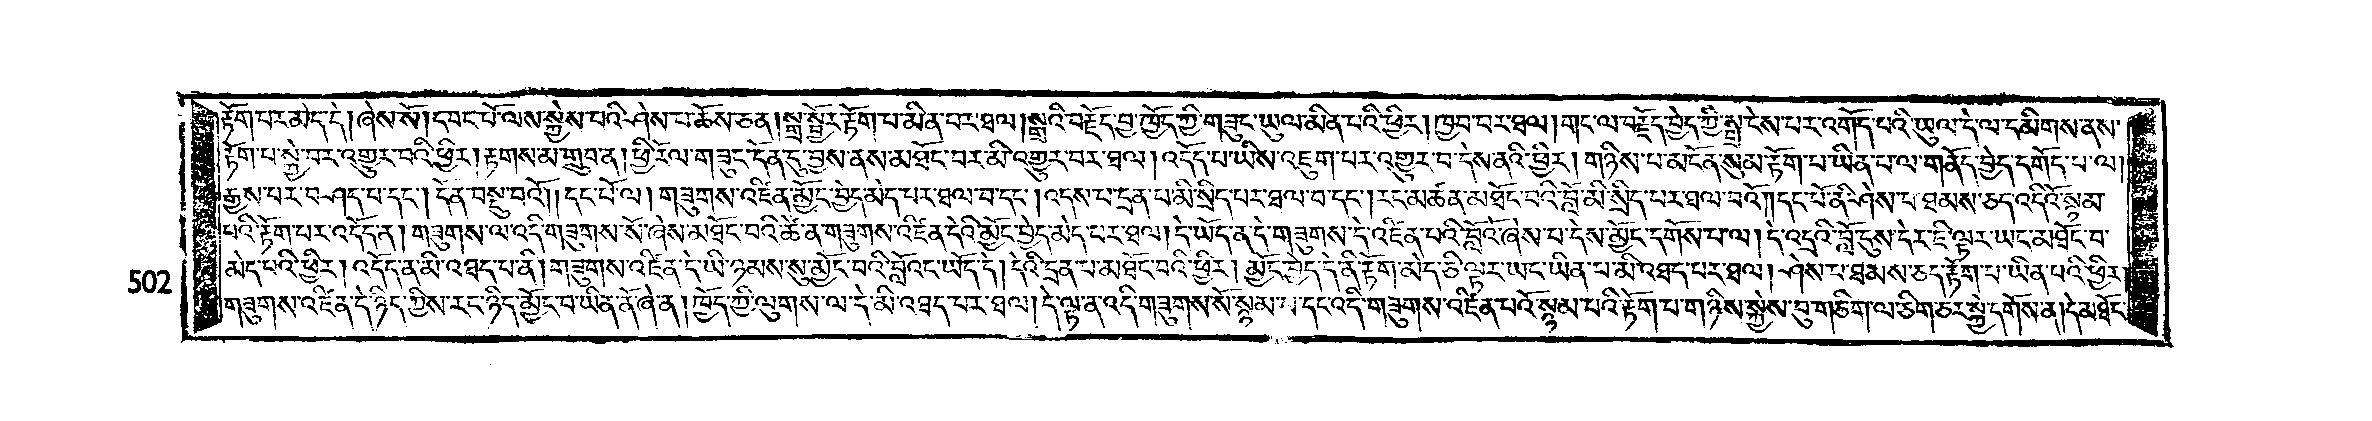རྟོག་པར་མེད་དེ། ཞེས་སོ། དབང་པོ་ལས་སྐྱེས་པའི་ཤེས་པ་ཆོས་ཅན། སྒྲ་སྦྱོར་རྟོག་པ་མིན་པར་ཐལ། སྒྲའི་བརྗོད་བྱ་ཁྱོད་ཀྱི་གཟུང་ཡུལ་མིན་པའི་ཕྱིར། ཁྱབ་པར་ཐལ། གང་ལ་བརྗོད་བྱེད་ཀྱི་སྒྲ་ངེས་པར་འགོད་པའི་ཡུལ་དེ་ལ་དམིགས་ནས་
རྟོག་པ་སྐྱེ་བར་འགྱུར་བའི་ཕྱིར། རྟགས་མ་གྲུབ་ན། ཕྱི་རོལ་གཟུང་དོན་དུ་བྱས་ནས་མཐོང་བར་མི་འགྱུར་བར་ཐལ། འདོད་པ་ཡིས་འཇུག་པར་འགྱུར་བ་དེས་ནའི་ཕྱིར། གཉིས་པ་མངོན་སུམ་རྟོག་པ་ཡིན་པ་ལ་གནོད་བྱེད་དགོད་པ་ལ།
རྒྱས་པར་བཤད་པ་དང་། དོན་བསྡུ་བའི། །དང་པོ་ལ། གཟུགས་འཛིན་མྱོང་བྱེད་མེད་པར་ཐལ་བ་དང་། འདས་པ་དྲན་པ་མི་སྲིད་པར་ཐལ་བ་དང་། རང་མཚན་མཐོང་བའི་བློ་མི་སྲིད་པར་ཐལ་བའོ། །དང་པོ་ནི་ཤེས་པ་ཐམས་ཅད་འདིའོ་སྙམ་
པའི་རྟོག་པར་འདོད་ན། གཟུགས་ལ་འདི་གཟུགས་སོ་ཞེས་མཐོང་བའི་ཚེ་ན་གཟུགས་འཛིན་དེའི་མྱོང་བྱེད་མེད་པར་ཐལ། དེ་ཡོད་ན་དེ་གཟུགས་དེ་འཛིན་པའི་བློའོ་ཞེས་པ་དེས་མྱོང་དགོས་པ་ལ། དེ་འདྲའི་བློ་དུས་དེར་ཇི་ལྟར་ཡང་མཐོང་བ་
མེད་པའི་ཕྱིར། འདོད་ན་མི་འཐད་པ་ནི། གཟུགས་འཛིན་དེ་ཡི་ཉམས་སུ་མྱོང་བའི་བློའང་ཡོད་དེ། དེའི་དྲན་པ་མཐོང་བའི་ཕྱིར། མྱོང་བྱེད་དེ་ནི་རྟོག་མེད་ཅི་ལྟར་ཡང་ཡིན་པ་མི་འཐད་པར་ཐལ། ཤེས་པ་ཐམས་ཅད་རྟོག་པ་ཡིན་པའི་ཕྱི་
གཟུགས་འཛིན་དེ་ཉིད་ཀྱིས་རང་ཉིད་མྱོང་བ་ཡིན་ནོ་ཞེ་ན། ཁྱོད་ཀྱི་ལུགས་ལ་དེ་མི་འཐད་པར་ཐལ། དེ་ལྟ་ན་འདི་གཟུགས་སོ་སྙམ་པ་དང་འདི་གཟུགས་འཛིན་པའོ་སྙམ་པའི་རྟོག་པ་གཉིས་སྐྱེས་བུ་གཅིག་ལ་ཅིག་ཅར་སྐྱེ་དགོས་ན། དེ་མཐོང་